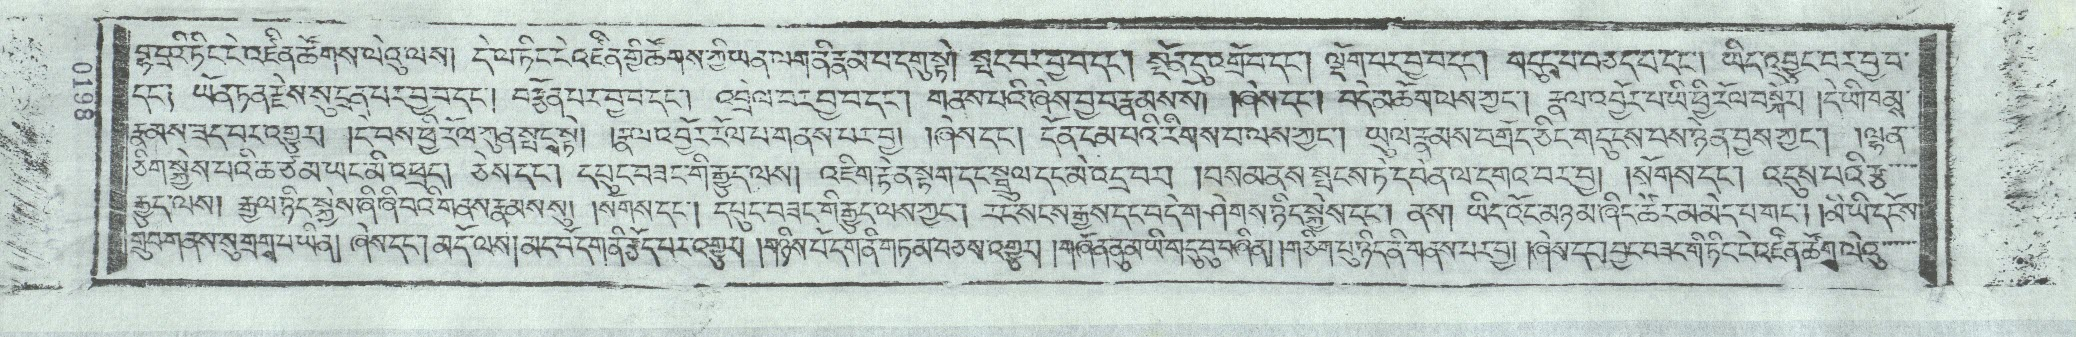བྷ་དྲའི་ཏིང་ངེ་འཛིན་ཚོགས་ལེའུ་ལས། དེ་ལ་ཏིང་ངེ་འཛིན་གྱི་ཚོགས་ཀྱི་ཡན་ལག་ནི་རྣམ་པ་དགུ་སྟེ། སྤང་བར་བྱ་བ་དང་། སྔོན་དུ་འགྲོ་བ་དང་། ལྡོག་པར་བྱ་བ་དང་། གདུང་བ་བཅད་པ་དང་། ཡིད་འབྱུང་བར་བྱ་བ་
དང༑ ཡོན་ཏན་རྗེས་སུ་དྲན་པར་བྱ་བ་དང་། བརྩོན་པར་བྱ་བ་དང་། འབྲེལ་བར་བྱ་བ་དང་། གནས་པའི་ཞེས་བྱ་བ་རྣམས་སོ། །ཞེས་དང་། བདེ་མཆོག་ལས་ཀྱང་། རྣལ་འབྱོར་པ་ཡི་ཕྱི་རོལ་བསྐོར། །དེ་ཡི་ཁམས་
རྣམས་ཟད་པར་འགྱུར། །དེ་བས་ཕྱི་རོལ་ཀུན་སྤངས་སྟེ། །རྣལ་འབྱོར་རོལ་པ་གནས་པར་བྱ། །ཞེས་དང་། དོན་དམ་པའི་རིགས་པ་ལས་ཀྱང་། ཡུལ་རྣམས་བགྲད་ཅིང་གདུངས་པས་ཉེན་བྱས་ཀྱང་། །ལྷན་
ཅིག་སྐྱེས་པའི་ཆ་ཙམ་ཡང་མི་འཕྲད། ཅེས་དང་། དཔུང་བཟང་གི་རྒྱུད་ལས། འཇིག་རྟེན་སྟག་དང་སྦྲུལ་དང་མེ་འདྲ་བར། །བསམ་ནས་སྤངས་ཏེ་དབེན་ལ་དགའ་བར་བྱ། །སོགས་དང་། འདུས་པའི་རྩ་
རྒྱུད་ལས། རྒྱལ་ཉིད་སྐྱེས་ཞི་ཞི་བའི་གནས་རྣམས་སུ། །སོགས་དང་། དཔུང་བཟང་གི་རྒྱུད་ལས་ཀྱང་། རང་སངས་རྒྱས་དང་བདེ་གཤེགས་ཉིད་སྐྱེས་དང་། ནས། ཡིད་འོང་མཉམ་ཞིང་ཚེར་མ་མེད་པ་གང་། །མི་ཡི་དངོས་
གྲུབ་གནས་སུ་གྲགས་པ་ཡིན། ཞེས་དང་། མདོ་ལས། མང་པོ་དག་ནི་རྩོད་པར་འགྱུར། །གཉིས་པོ་དག་ནི་གཏམ་བཅས་འགྱུར། །གཞོན་ནུ་མ་ཡི་གདུ་བུ་བཞིན། །གཅིག་པུ་ཉིད་ནི་གནས་པར་བྱ། །ཞེས་དང་། བྱང་བཟང་གི་ཏིང་ངེ་འཛིན་ཚོགས་ལེའུ་